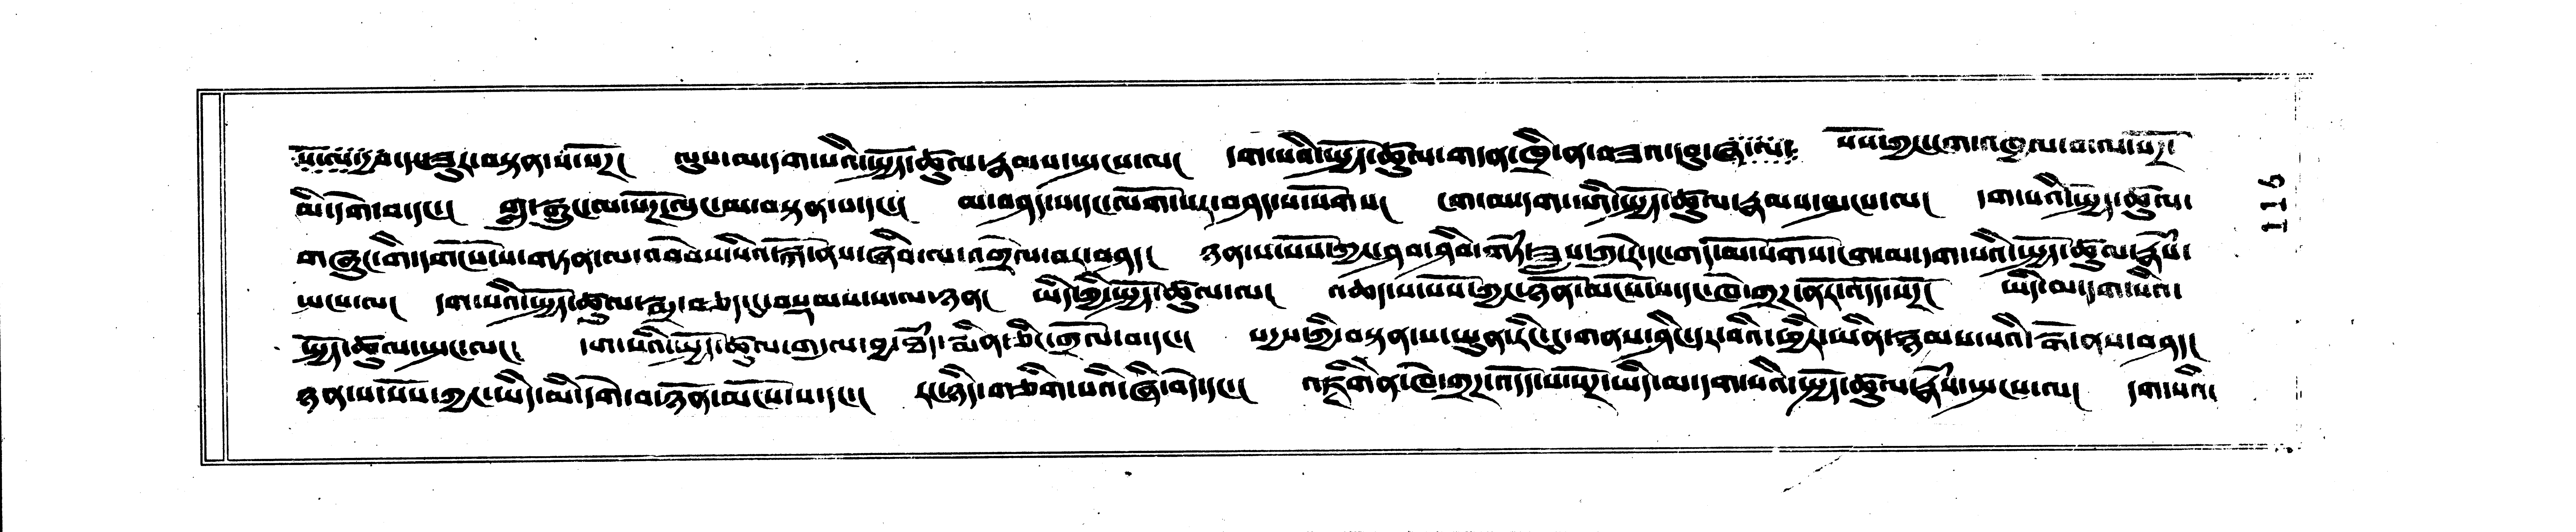རྒྱབ་དང་ཟུར་བསྟན་པ་སོགས། ལུས་མ་དག་པའི་སྤྱོད་ཚུལ་རྣམས་སྤངས་ལ། དག་པའི་སྤྱོད་ཚུལ་གདན་ཁྲི་ན་བཟའ་དབུ་ཞྭ། ༼༽ངག་འཁྱལ་བ་ལ་སོགས་
མི་དགེ་བ་དང་། གླུ་སྒྲུང་ལ་སོགས་ལུང་མ་བསྟན་པ་དང་། མ་བཤད་པ་དང་ལོག་པར་བཤད་པ་སོགས། ངག་མ་དག་གི་སྤྱོད་ཚུལ་རྣམས་སྤངས་ལ། དག་པའི་སྤྱོད་ཚུལ་
གཞུང་གི་དགོངས་པ་གཏན་ལ་འབེབས་པའི་སྒོ་ནས་ཞིབ་ལ་འགྲེལ་བར་བཤད། ཉན་པ་པོས་ཀྱང་ཤབ་ཤིབ་གཏམ་ཟླས་ཀུ་རེ་དང་གད་མོ་སོགས་ངག་མ་དག་པའི་སྤྱོད་པ་རྣམས་
སྤངས་ལ། དག་པའི་སྤྱོད་ཚུལ་སྨྲ་བཅད་དུ་གདམས་པ་ལ་ཉན། ཡིད་ཀྱི་སྤྱོད་ཚུལ་ལ་འཆད་པ་པོས་ཀྱང་ཉོན་མོངས་པ་དང་ཁེ་གྲགས་ནོར་འདོད་སོགས་ཡིད་མ་དག་པའི་
སྤྱོད་ཚུལ་སྤངས་ལ། དག་པའི་སྤྱོད་ཚུལ་གདུལ་བྱ་ཐམས་ཅད་སྨིན་ཅིང་གྲོལ་བ་དང་། སངས་རྒྱས་ཀྱི་བསྟན་པ་ཡུན་རིང་དུ་གནས་ཤིང་དར་བའི་ཕྱིར་ཡིན་སྙམ་པའི་སྒོ་ནས་བཤད།
 ཉན་པ་པོས་ཀྱང་ཡིད་མི་དགེ་བ་ཉོན་མོངས་པ་དང་། རང་ཉིད་གཅིག་པའི་ཞི་བདེ་དང་། འཇིག་རྟེན་ཁེ་གྲགས་འདོད་པ་སོགས་ཡིད་མ་དག་པའི་སྤྱོད་ཚུལ་རྣམས་སྤངས་ལ། དག་པའི་